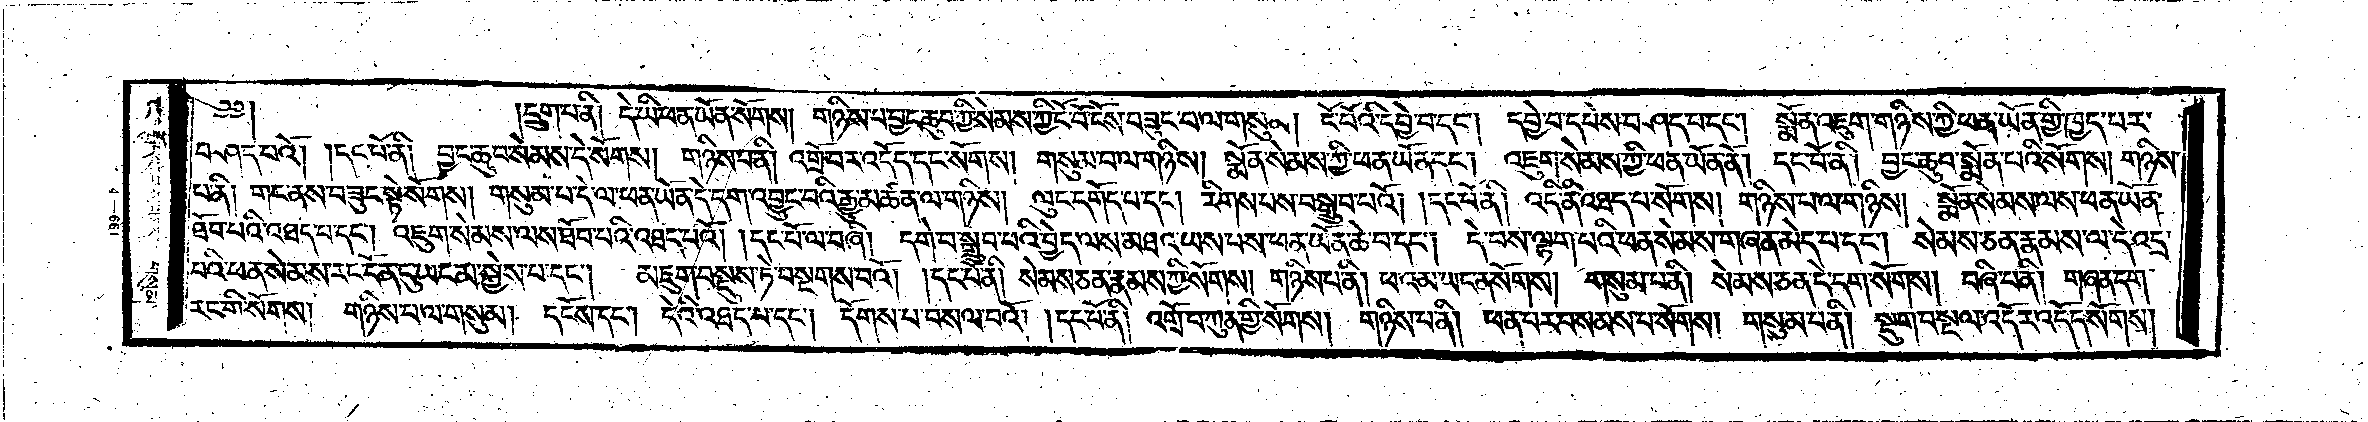༄༅། །དྲུག་པ་ནི། དེ་ཡི་ཕན་ཡོན་སོགས། གཉིས་པ་བྱང་ཆུབ་ཀྱི་སེམས་ཀྱི་ངོ་བོ་ངོས་བཟུང་བ་ལ་གསུམ། ངོ་པོའི་དབྱེ་བ་དང་། དབྱེ་བ་དཔེས་བཤད་པ་དང་། སྨོན་འཇུག་གཉིས་ཀྱི་ཕན་ཡོན་གྱི་ཁྱད་པར་
བཤད་པའོ། །དང་པོ་ནི། བྱང་ཆུབ་སེམས་དེ་སོགས། གཉིས་པ་ནི། འགྲོ་བར་འདོད་དང་སོགས། གསུམ་པ་ལ་གཉིས། སྨོན་སེམས་ཀྱི་ཕན་ཡོན་དང་། འཇུག་སེམས་ཀྱི་ཕན་ཡོན་ནོ། དང་པོ་ནི། བྱང་ཆུབ་སྨོན་པའི་སོགས། གཉིས་
པ་ནི། གང་ནས་བཟུང་སྟེ་སོགས། གསུམ་པ་དེ་ལ་ཕན་ཡོན་དེ་དག་འབྱུང་བའི་རྒྱུ་མཚན་ལ་གཉིས། ལུང་དགོད་པ་དང་། རིགས་པས་བསྒྲུབ་པའོ། །དང་པོ་ནི། འདི་ནི་འཐད་པ་སོགས། གཉིས་པ་ལ་གཉིས། སྨོན་སེམས་ལས་ཕན་ཡོན་
ཐོབ་པའི་འཐད་པ་དང་། འཇུག་སེམས་ལས་ཐོབ་པའི་འཐད་པའོ། །དང་པོ་ལ་བཞི། དགེ་བསྒྲུབ་པའི་བྱེད་ལས་མཐའ་ཡས་པས་ཕན་ཡོན་ཆེ་བ་དང་། དེ་བས་ལྷག་པའི་ཕན་སེམས་གཞན་མེད་པ་དང་། སེམས་ཅན་རྣམས་ལ་དེ་འདྲ་
པའི་ཕན་སེམས་རང་དོན་དུ་ཡང་མ་སྐྱེས་པ་དང་། མཇུག་བསྡུས་ཏེ་བསྔགས་པའོ། །དང་པོ་ནི། སེམས་ཅན་རྣམས་ཀྱི་སོགས། གཉིས་པ་ནི། ཕའམ་ཡང་ན་སོགས། གསུམ་པ་ནི། སེམས་ཅན་དེ་དག་སོགས། བཞི་པ་ནི། གཞན་དག་
རང་གི་སོགས། གཉིས་པ་ལ་གསུམ། དངོས་དང་། དེའི་འཐད་པ་དང་། དོགས་པ་བསལ་པའོ། །དང་པོ་ནི། འགྲོ་བ་ཀུན་གྱི་སོགས། གཉིས་པ་ནི། ཕན་པར་བསམས་པ་སོགས། གསུམ་པ་ནི། སྡུག་བསྔལ་འདོར་འདོད་སོགས།